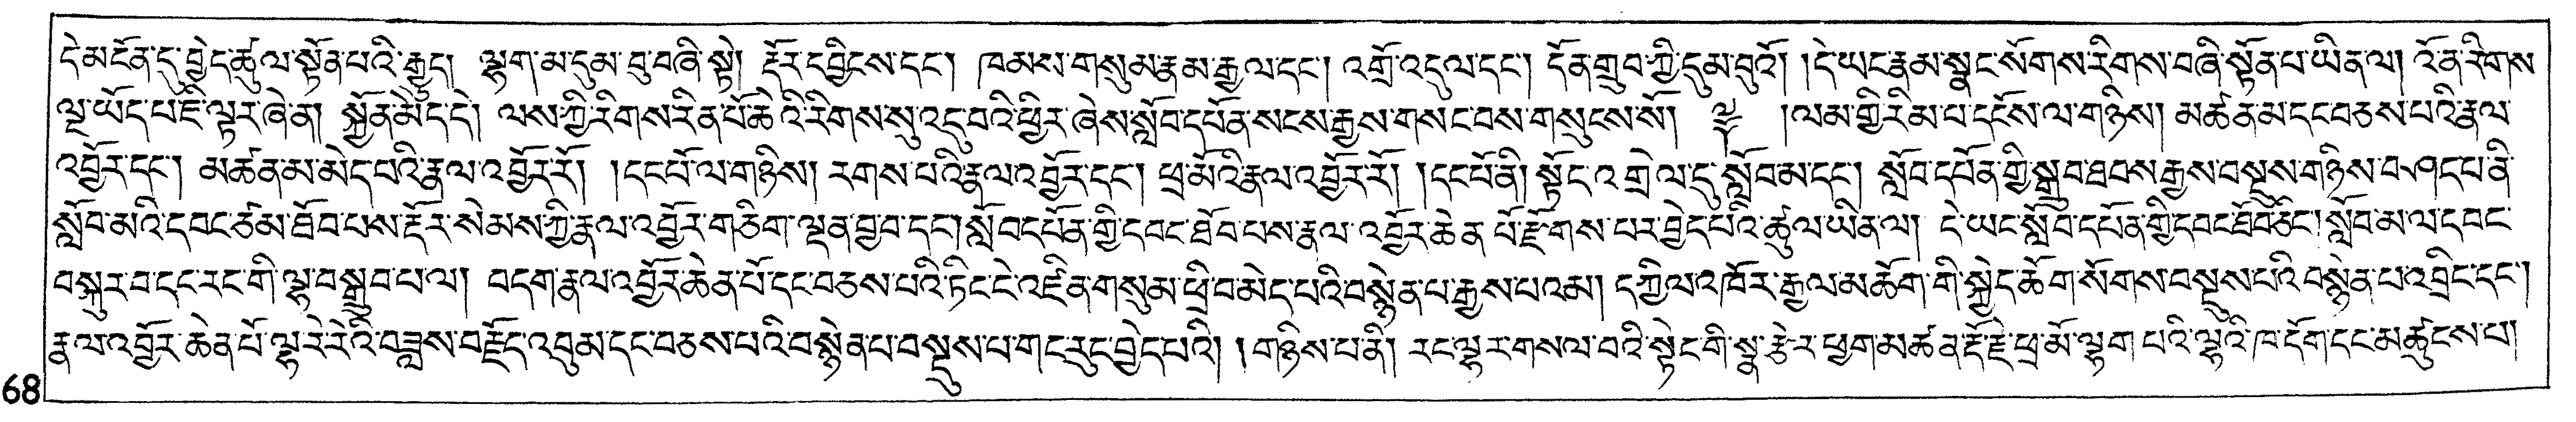དེ་མངོན་དུ་བྱེད་ཚུལ་སྟོན་པའི་རྒྱུད། ལྷག་མ་དུམ་བུ་བཞི་སྟེ། རྡོར་དབྱིངས་དང་། ཁམས་གསུམ་རྣམ་རྒྱལ་དང་། འགྲོ་འདུལ་དང་། དོན་གྲུབ་ཀྱི་དུམ་བུའོ། །དེ་ཡང་རྣམ་སྣང་སོགས་རིགས་བཞི་སྟོན་པ་ཡིན་ལ། འོ་ན་རིགས་
ལྔ་ཡོད་པ་ཇི་ལྟར་ཞེ་ན། སྐྱོན་མེད་དེ། ལས་ཀྱི་རིགས་རིན་པོ་ཆེའི་རིགས་སུ་འདུ་བའི་ཕྱིར་ཞེས་སློབ་དཔོན་སངས་རྒྱས་གསང་བས་གསུངས་སོ། ༈ །ལམ་གྱི་རིམ་པ་དངོས་ལ་གཉིས། མཚན་མ་དང་བཅས་པའི་རྣལ་
འབྱོར་དང་། མཚན་མ་མེད་པའི་རྣལ་འབྱོར་རོ། །དང་པོ་ལ་གཉིས། རགས་པའི་རྣལ་འབྱོར་དང་། ཕྲ་མོའི་རྣལ་འབྱོར་རོ། །དང་པོ་ནི། སྟོང་འགྲེལ་དུ་སློབ་མ་དང་། སློབ་དཔོན་གྱི་སྒྲུབ་ཐབས་རྒྱས་བསྡུས་གཉིས་བཤད་པ་ནི་
སློབ་མའི་དབང་ཙམ་ཐོབ་པས་རྡོར་སེམས་ཀྱི་རྣལ་འབྱོར་གཅིག་ལྡན་བྱ་བ་དང་། སློབ་དཔོན་གྱི་དབང་ཐོབ་པས་རྣལ་འབྱོར་ཆེན་པོ་རྫོགས་པར་བྱེད་པའི་ཚུལ་ཡིན་ལ། དེ་ཡང་སློབ་དཔོན་གྱི་དབང་ཐོབ་ཅིང་། སློབ་མ་ལ་དབང་
བསྐུར་བ་དང་རང་གི་ལྷ་བསྒྲུབ་པ་ལ། བདག་རྣལ་འབྱོར་ཆེན་པོ་དང་བཅས་པའི་ཏིང་ངེ་འཛིན་གསུམ་ཕྲི་བ་མེད་པའི་བསྙེན་པ་རྒྱས་པའམ། དཀྱིལ་འཁོར་རྒྱལ་མཆོག་གི་སྐྱེད་ཆོག་སོགས་བསྡུས་པའི་བསྙེན་པ་འབྲིང་དང་།
རྣལ་འབྱོར་ཆེན་པོ་ལྷ་རེ་རེའི་བཟླས་བརྗོད་འབུམ་དང་བཅས་པའི་བསྙེན་པ་བསྡུས་པ་གང་རུང་བྱེད་པའི། །གཉིས་པ་ནི། རང་ལྷར་གསལ་བའི་སྟེང་གི་སྣ་རྩེར་ཕྱག་མཚན་རྡོ་རྗེ་ཕྲ་མོ་ལྷག་པའི་ལྷའི་ཁ་དོག་དང་མཚུངས་པ།